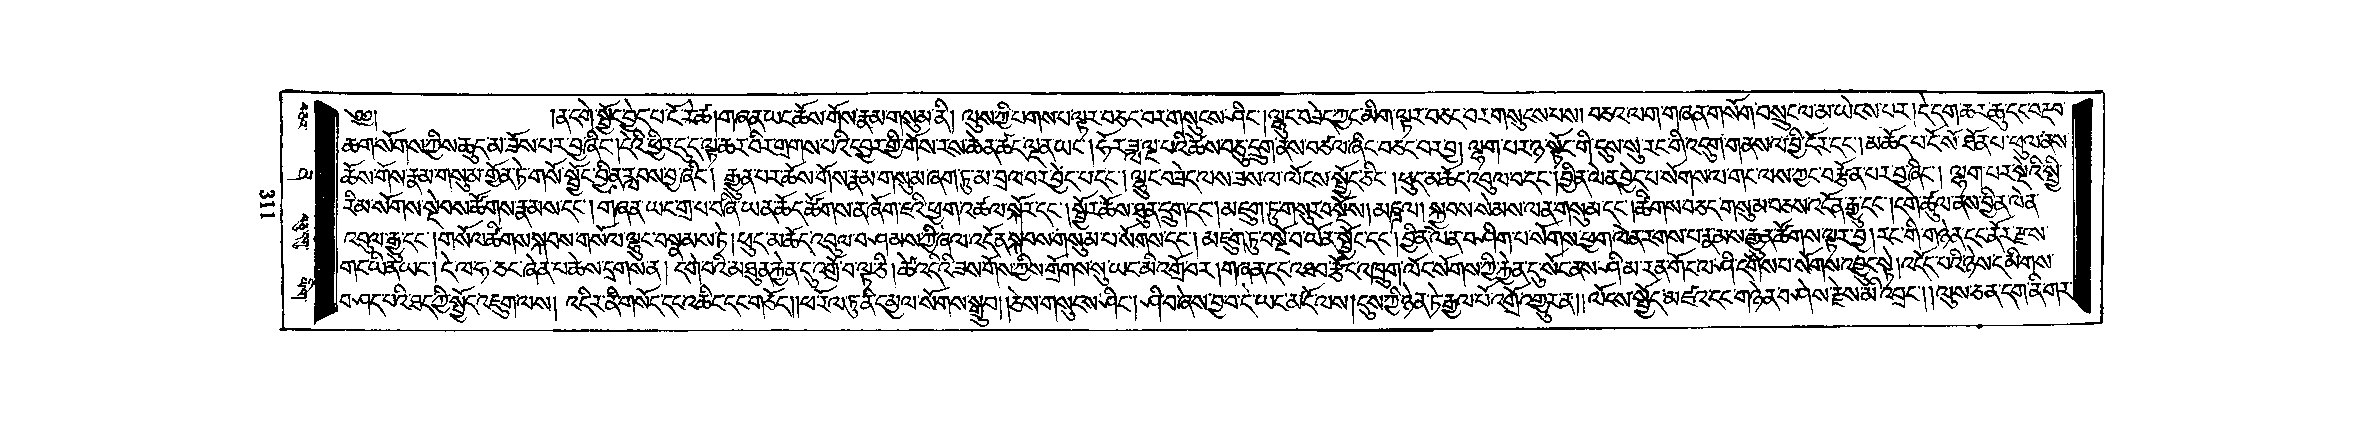༄༅། །ན་དགེ་སྦྱོང་བྱེད་པ་ངོ་རེ་ཚ། གཞན་ཡང་ཆོས་གོས་རྣམ་གསུམ་ནི། ལུས་ཀྱི་པགས་པ་ལྟར་བཅད་བར་གསུངས་ཤིང་། ལྷུང་བཟེད་ཀྱང་མིག་ལྟར་བཅད་བར་གསུངས་པས། བཅའ་ལག་གཞན་གསོག་བསྲུང་ལ་མ་ཡེངས་པར། དེ་དག་ཆར་ཆུ་དང་བརྡབ་
ཆག་སོགས་ཀྱིས་ཆུད་མ་ཟོས་པར་བྱ་ཞིང་། དེའི་ཕྱིར་དུ་ད་ལྟ་ཆར་བིར་གྲགས་པའི་དབྱར་གྱི་གོས་རས་ཆེན་ཚད་ལྡན་ཡང་། ཧོར་ཟླ་ལྔ་པའི་ཚེས་བཅུ་དྲུག་ནས་བཙལ་ཞིང་བཅད་བར་བྱ། ལྷག་པར་ཉ་སྟོང་གི་དུས་སུ་རང་གི་འདུག་གནས་ལ་བྱི་དོར་དང་། མཆོད་པ་ངོ་སོ་ཐོན་པ་ཕུལ་ནས་
ཆོས་གོས་རྣམ་གསུམ་གྱོན་ཏེ་གསོ་སྦྱོང་བྱིན་རླབས་བྱ་ཞིང་། རྒྱུན་པར་ཆོས་གོས་རྣམ་གསུམ་ཞག་ཏུ་མ་བྲལ་བར་བྱེད་པ་དང་། ལྷུང་བཟེད་ལས་ཟས་ལ་ལོངས་སྤྱོད་ཅིང་། ཕུད་མཆོད་འབུལ་བ་དང་། བྱིན་ལེན་བྱེད་པ་སོགས་ལ་གང་ལས་ཀྱང་བརྩོན་པར་བྱ་ཞིང་། ལྷག་པར་སྡེའི་སྤྱི་
རིམ་སོགས་སྡེབས་ཚོགས་རྣམས་དང་། གཞན་ཡང་གྲ་པ་བཞི་ཡན་ཆོད་ཚོགས་ན་ཞོག་ཇའི་ཕྱག་འཚལ་སྐོར་དང་། སྦྱོར་ཆོས་ཐུན་དྲུག་དང་། མཇུག་ཏུ་གསུར་བསྔོས། མཎྜལ། སྐྱབས་སེམས་ལན་གསུམ་དང་། ཚིགས་བཅད་གསུམ་བཅས་འདོན་རྒྱུ་དང་། དགེ་ཚུལ་ནས་བྱིན་ལེན་
འབུལ་རྒྱུ་དང་། གསོལ་ཚིགས་སྐབས་གསོལ་ལྷུང་བསྣམས་ཏེ། ཕུད་མཆོད་འབུལ་བཤམས་ཀྱི་ཞལ་འདོན་སྐབས་གསུམ་པ་སོགས་དང་། མཇུག་ཏུ་བསྔོ་བ་ཡོན་སྦྱོང་དང་། བྱིན་ལེན་བཤིག་པ་སོགས་ཕྱག་ལེན་རགས་པ་རྣམས་རྒྱུན་ཚོགས་ལྟར་བྱ། རང་གི་གཉེན་དང་ནོར་རྫས་
གང་ཡིན་ཡང་། དེ་ལ་ཧ་ཅང་ཞེན་པ་ཆེས་དྲགས་ན། དགེ་བའི་མཐུན་རྐྱེན་དུ་འགྲོ་བ་ལྟ་ཅི། ཚེ་འདིའི་ཟས་གོས་ཀྱིས་གྲོགས་སུ་ཡང་མི་འགྲོ་བར། གཞན་དང་འཐབ་རྩོད་འཁྲུག་ལོང་སོགས་ཀྱི་རྐྱེན་དུ་སོང་ནས་ཤི་མ་རན་གོང་ལ་ཤི་དགོས་པ་སོགས་འབྱུང་སྟེ། འདོད་པའི་ཉེས་དམིགས་
བཤད་པའི་ཐད་ཀྱི་སྤྱོད་འཇུག་ལས། འདིར་ནི་གསོད་དང་འཆིང་དང་གཅོད། །ཕ་རོལ་ཏུ་ནི་དམྱལ་སོགས་སྒྲུབ། །ཅེས་གསུངས་ཤིང་། ཤི་བ་ཞེས་བྱ་བ་དེ་ཡང་མདོ་ལས། དུས་ཀྱི་ཉེན་ཏེ་རྒྱལ་པོ་འགྲོ་འགྱུར་ན། །ལོངས་སྤྱོད་མཛའ་དང་གཉེན་བཤེས་རྗེས་མི་འབྲང་། །ལུས་ཅན་དག་ནི་གར་